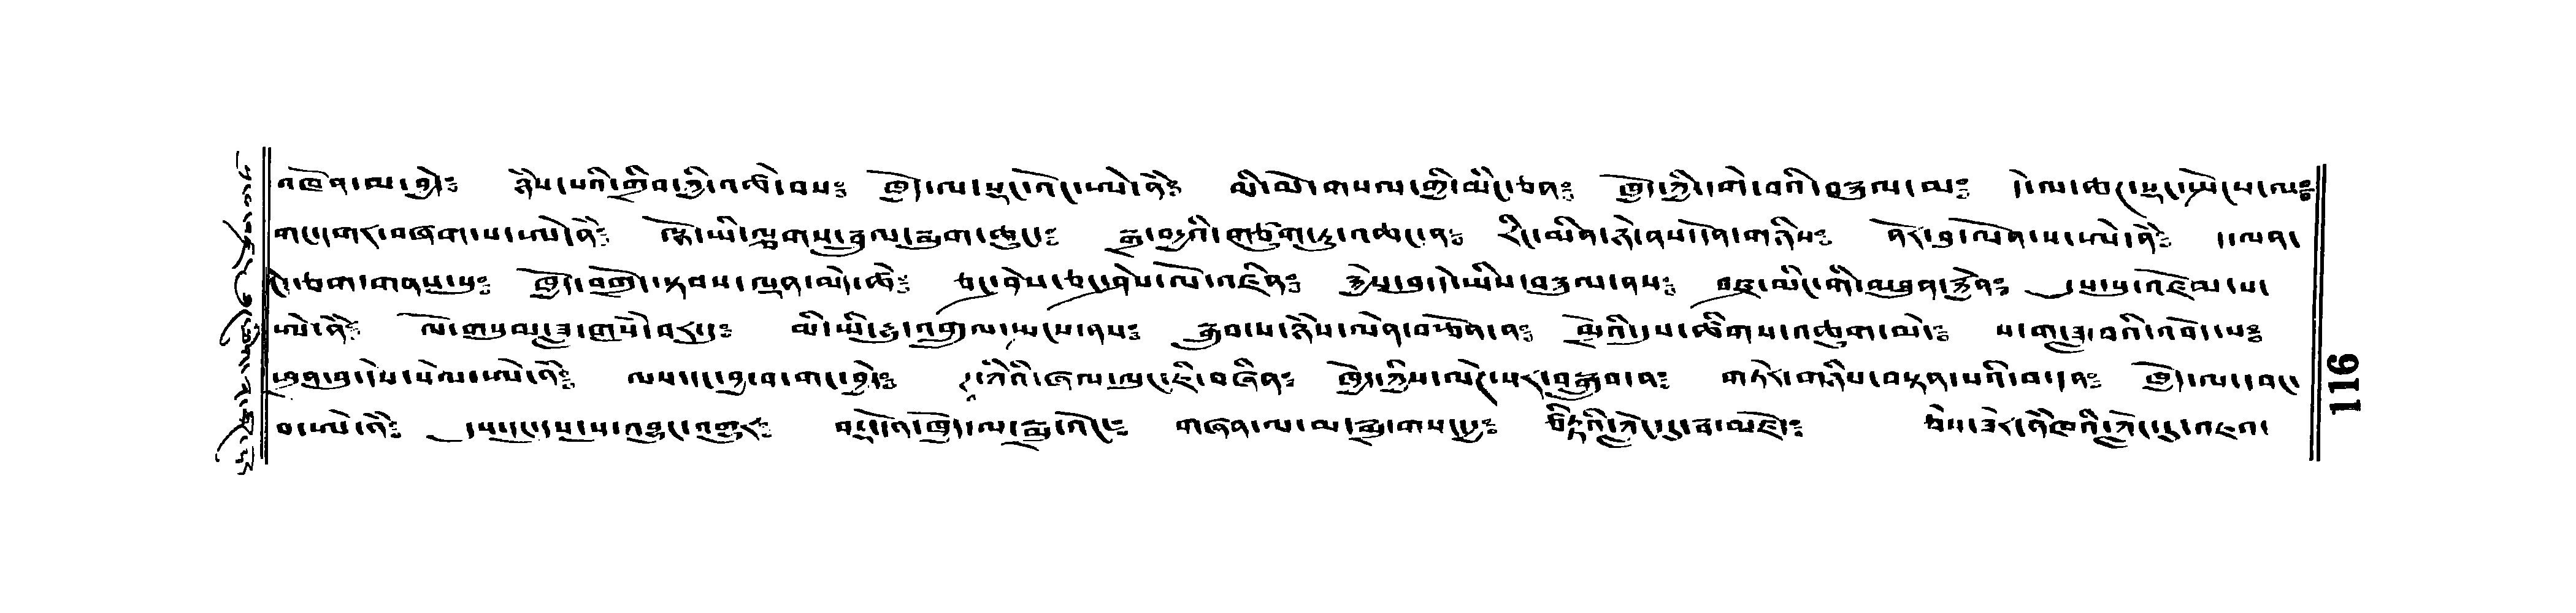འཁོན་མ་བྱེད༔ ཉམས་པའི་གྲིབ་ཀྱི་འཚེ་བས༔ ཁྱོད་ལ་སྡང་འོང་ཨེ་ནམ༔ མི་མོ་གསལ་གྱི་མིང་ཅན༔ ཁྱོད་ཀྱི་དགེ་བའི་བསྐུལ་མ༔ དེ་ལ་ཆགས་སྡང་སྤོངས་ལ༔ 
གང་དགར་བཞག་པ་ཨེ་ནམ༔ ལྷོ་ཡི་ལྕགས་སྦྲུལ་སྨུག་ཆུང༔ སྒྲ་བརྒྱའི་གཙུག་ཏུ་འཆང་ན༔ རིང་མིན་ཉེ་ནས་དོན་གཉིས༔ ནོར་བུ་ལོན་པ་ཨེ་ནམ༔ ད་ལན་
ངེད་ཅག་གནས་སུ༔ ཁྱོད་བགྲོད་སྟབས་ལྡན་མེད་ཚེ༔ ཅང་ཤེས་ཅང་ཤེས་ལོ་འཛིན་༔ སྐྱེས་བུ་དེ་ཡིས་བསྐུལ་ནས༔ བཛྲ་མིང་གི་མཐུན་རྐྱེན༔ དུས་སུ་འཛོམ་པ་
ཨེ་ནམ༔ ལོ་གསུམ་ཟླ་གསུམ་བར་དུ༔ མི་ཡི་རྒྱུ་འགྲུལ་སྤངས་ནས༔ སྒྲུབ་པ་ཉམས་ལེན་བརྩོན་ན༔ མཁའ་འགྲོའི་དུས་ཚིགས་འཆུག་མེད༔ ས་ག་ཟླ་བའི་འབོད་པ༔ 
ཕྲན་བུ་དེས་སེལ་ཨེ་ནམ༔ ལས་དང་བྱ་བ་གང་བྱེད༔ ཌཱ་ཀིའི་ཞལ་ལུང་ཇི་བཞིན༔ ཁྱོད་ཀྱིས་ལེགས་པར་བསྒྲུབ་ན༔ གཏེར་གཉིས་བསྟན་པའི་བ་དན༔ ཁྱོད་ལ་དབང་
བ་ཨེ་ནམ༔ དུས་དང་དུས་སུ་འབྱུང་འགྱུར༔ བརྡ་དོན་ཁྱོད་ལ་སྨྲ་འོང༔གཞན་ལ་མ་སྨྲ་གསང་རྒྱ༔ ཙིཏྟའི་ཀློང་དུ་སྦ་མཛོད༔ ཅེས་ཟེར་ནམ་མཁའི་ཀློང་དུ་འཇའ་